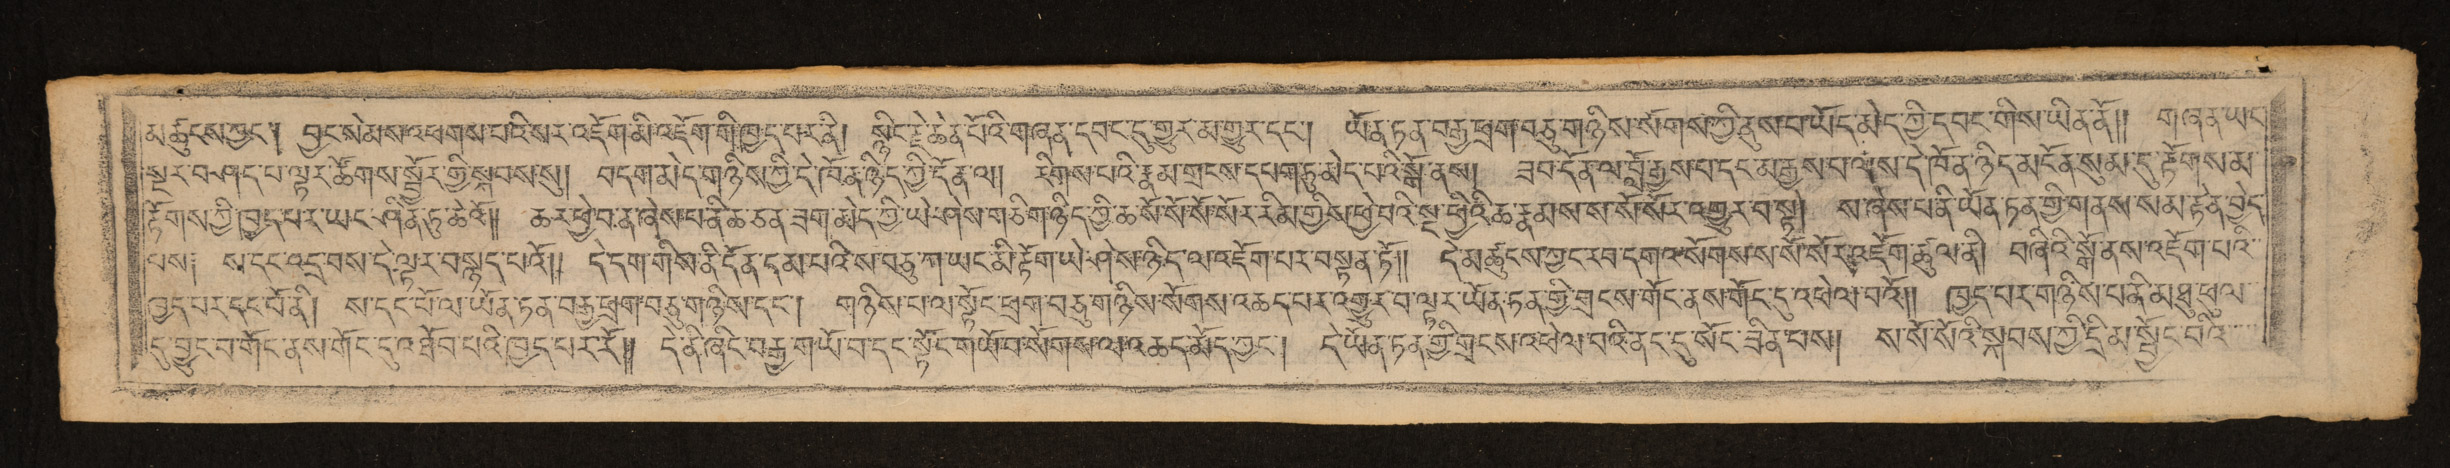མཚུངས་ཀྱང་། བྱང་སེམས་འཕགས་པའི་སར་འཇོག་མི་འཇོག་གི་ཁྱད་པར་ནི། སྙིང་རྗེ་ཆེན་པོའི་གཞན་དབང་དུ་གྱུར་མ་གྱུར་དང་། ཡོན་ཏན་བརྒྱ་ཕྲག་བཅུ་གཉིས་སོགས་ཀྱི་ནུས་པ་ཡོད་མེད་ཀྱི་དབང་གི་ཡིན་ནོ།། གཞན་ཡང་
སྔར་བཤད་པ་ལྟར་ཚོགས་སྦྱོར་གྱི་སྐབས་སུ། བདག་མེད་གཉིས་ཀྱི་དེ་ཁོ་ན་ཉིད་ཀྱི་དོན་ལ། རིགས་པའི་རྣམ་གྲངས་དཔག་ཏུ་མེད་པའི་སྒོ་ནས། ཟབ་དོན་ལ་བློ་རྒྱས་པ་དང་མ་རྒྱས་པ་ལས་དེ་ཁོ་ན་ཉིད་མངོན་སུམ་དུ་རྟོགས་མ་
རྟོགས་ཀྱི་ཁྱད་པར་ཡང་ཤིན་ཏུ་ཆེའོ།། ཆར་ཕྱེ་བ་ན་ཞེས་པ་ནི་ཆ་ཅན་ཟག་མེད་ཀྱི་ཡེ་ཤེས་གཅིག་ཉིད་ཀྱི་ཆ་སོ་སོ་སོར་རིམ་གྱིས་ཕྱེ་བའི་སྔ་ཕྱིའི་ཆ་རྣམས་ས་སོ་སོར་འགྱུར་བ་སྟེ། ས་ཞེས་པ་ནི་ཡོན་ཏན་གྱི་གནས་སམ་རྟེན་བྱེད་
པས༑ ས་དང་འདྲ་བས་དེ་ལྟར་བསྙད་པའོ།། དེ་དག་གིས་ནི་དོན་དམ་པའི་ས་བཅུ་ཀ་ཡང་མི་རྟོག་ཡེ་ཤེས་ཉིད་ལ་འཇོག་པར་བསྟན་ཏོ།། དེ་མཚུངས་ཀྱང་རབ་དགའ་སོགས་ས་སོ་སོར་འཇོག་ཚུལ་ནི། བཞིའི་སྒོ་ནས་འཇོག་པའི་
ཁྱད་པར་དང་པོ་ནི། ས་དང་པོ་ལ་ཡོན་ཏན་བརྒྱ་ཕྲག་བཅུ་གཉིས་དང་། གཉིས་པ་ལ་སྟོང་ཕྲག་བཅུ་གཉིས་སོགས་འཆད་པར་འགྱུར་བ་ལྟར་ཡོན་ཏན་གྱི་གྲངས་གོང་ནས་གོང་དུ་འཕེལ་བའོ།། ཁྱད་པར་གཉིས་པ་ནི་མཐུ་ཕུལ་
དུ་བྱུང་བ་གོང་ནས་གོང་དུ་འཐོབ་པའི་ཁྱད་པར་རོ།། དེ་ནི་ཞིང་བརྒྱ་གཡོ་བ་དང་སྟོང་གཡོ་བ་སོགས་ལ་འཆད་མོད་ཀྱང་། དེ་ཡོན་ཏན་གྱི་གྲངས་འཕེལ་བའི་ནང་དུ་སོང་ཟིན་པས། ས་སོ་སོའི་སྐབས་ཀྱི་དྲི་མ་སྦྱོང་བའི་